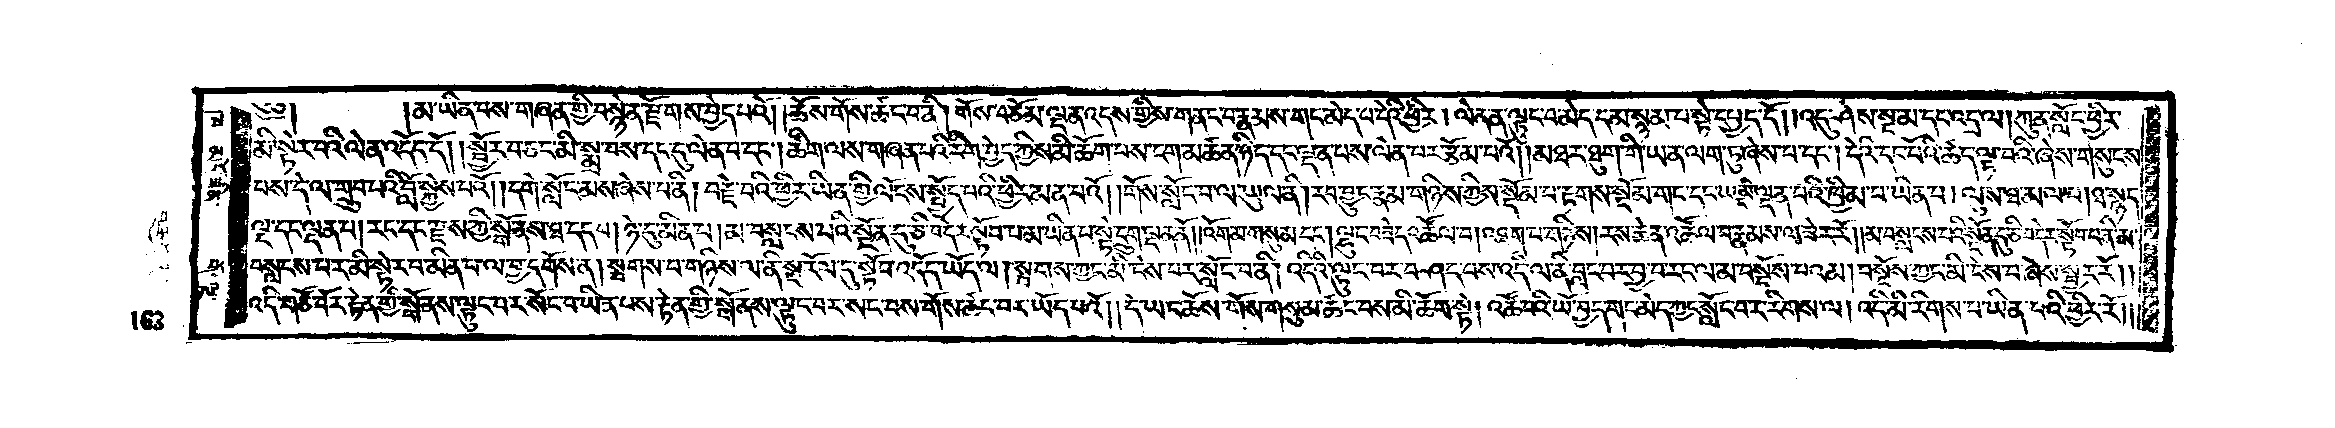༄༅། །མ་ཡིན་པས་གཞན་གྱི་བསྙེན་རྫོགས་བྱེད་པའོ། །ཆོས་གོས་ཚང་བ་ནི། གོས་བཅོམ་ལྡན་འདས་གྱིས་གནང་བ་རྣམས་གང་མེད་པ་དེའི་ཕྱིར། ལེན་ན་ལྟུང་བ་མེད་དམ་སྙམ་པ་སྟེ་དཔྱད་དོ། །འདུ་ཤེས་སྔ་མ་དང་འདྲ་ལ། ཀུན་སློང་ཕྱིར་
མི་སྟེར་བའི་ལེན་འདོད་དོ། །སྦྱོར་བ་ཅང་མི་སྨྲ་བས་དང་དུ་ལེན་པ་དང་། ཚིག་ལས་གཞན་པའི་རིག་བྱེད་ཀྱིས་མི་ཆོག་པས་ངག་མཚན་ཉིད་དང་ལྡན་པས་ལེན་པར་རྩོམ་པའོ། །མཐར་ཐུག་གི་ཡན་ལག་ཏུ་ཞེས་པ་དང་། དེའི་དང་པོའི་ཚད་ལྟ་བའི་ཞེས་གསུངས་
པས་དེ་ལ་གྲུབ་པའི་བློ་སྐྱེས་པའོ། །དགེ་སློང་མས་ཞེས་པ་ནི། བརྗེ་བའི་ཕྱིར་ཡིན་གྱི་ལོངས་སྤྱོད་པའི་ཕྱིར་མན་པའོ། །གོས་སློང་བ་ལ་ཡུལ་ནི། རབ་བྱུང་རྣམ་གཉིས་ཀྱིས་སྡོམ་པ་རྟགས་སྡོམ་གང་དང་ཡང་མི་ལྡན་པའི་ཁྱིམ་པ་ཡིན་པ། ལུས་ཐ་མལ་པ། ཐ་སྙད་
ལྔ་དང་ལྡན་པ། རང་དང་རྫས་ཀྱི་སྒོ་ནས་ཐ་དད་པ། ཉེ་དུ་མིན་པ། མ་བསླངས་པའི་སྔོན་དུ་ཅི་བདེར་སྟོབ་པ་མ་ཡིན་པ་སྟེ་དྲུག་ལྡན་ནོ། །འོག་མ་གསུམ་དང་། ལྷུང་བཟེད་འཚོལ་བ། འཐག་པ་གཉིས། རས་ཆེན་འཚོལ་བ་རྣམས་ལ་ཟེར་རོ། །མ་བསླངས་པའི་སྔོན་དུ་ཅི་བདེར་སྟོབ་པ་ནི་མ་
བསླངས་པར་མི་སྟེར་བ་མིན་པ་ལ་བྱ་དགོས་ན། སྦགས་པ་གཉིས་ལ་ནི་སྔ་རོལ་དུ་སྟོབ་འདོད་ཡོད་ལ། སྦགས་ཀྱང་མི་ངེས་པར་སློང་བ་ནི། འདིའི་ལྟུང་བར་བཤད་པས་འདི་ལ་ནི་བླང་བར་བྱ་བ་རང་ལ་མ་བསྡོས་པའམ། བསྔོས་ཀྱང་མི་ངེས་པ་ཞེས་སྦྱོར་རོ། །
འདི་གཙོ་བོར་རྟེན་གྱི་སྒོ་ནས་ལྟུང་བར་སོང་བ་ཡིན་པས་རྟེན་གྱི་སྒོ་ནས་ལྟུང་བར་སོང་བས་གོས་ཚང་བར་ཡོད་པའོ། །དེ་ཡང་ཆོས་གོས་གསུམ་ཚང་བས་མི་ཆོག་སྟེ། འཚོ་བའི་ཡོ་བྱད་གང་མེད་ཀྱང་སློང་བར་རིགས་ལ། འདི་མི་རིགས་པ་ཡིན་པའི་ཕྱིར་རོ། །